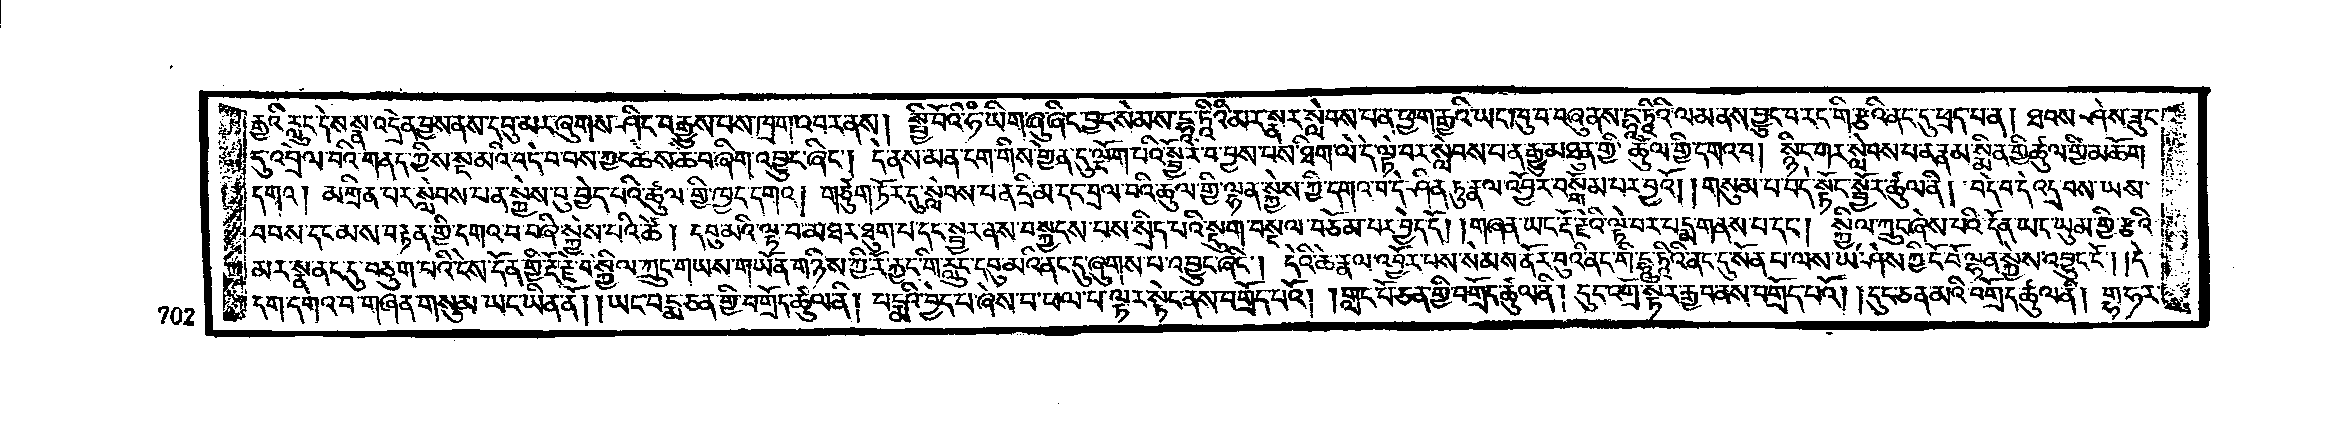རྒྱའི་རླུང་དེས་སྣ་འདྲེན་བྱས་ནས་དབུ་མར་ཞུགས་ཤིང་བརྒྱུས་པས་ཁྲག་འབར་ནས། སྤྱི་བོའི་ཧཾ་ཡིག་ཞུ་ཞིང་བྱང་སེམས་དྷཱ་ཏཱིའི་མར་སྣར་སླེབས་པ་ན་ཕྱག་རྒྱའི་ཡང་ཁུ་བ་བཞུ་ནས་དྷཱ་ཏཱིའི་ལམ་ནས་བྱུང་བ་རང་གི་རྩའི་ནང་དུ་ཕྲད་པ་ན། ཐབས་ཤེས་ཟུང་
དུ་འབྲེལ་བའི་གནད་ཀྱིས་སྔ་མའི་བདེ་བ་བས་ཀྱང་ཆེས་ཆེ་བ་ཞིག་འབྱུང་ཞིང་། དེ་ནས་མན་ངག་གིས་གྱེན་དུ་ལྡོག་པའི་སྦྱོར་བ་བྱས་པས་ཐིག་ལེ་དེ་ལྟེ་བར་སླེབས་པ་ན་རྒྱུ་མཐུན་གྱི་ཚུལ་གྱི་དགའ་བ། སྙིང་གར་སླེབས་པ་ན་རྣམ་སྨིན་གྱི་ཚུལ་གྱི་མཆོག་
དགའ། མགྲིན་པར་སླེབས་པ་ན་སྐྱེས་བུ་བྱེད་པའི་ཚུལ་གྱི་ཁྱད་དགའ། གཙུག་ཏོར་དུ་སླེབས་པ་ན་དྲི་མ་དང་བྲལ་བའི་ཚུལ་གྱི་ལྷན་སྐྱེས་ཀྱི་དགའ་བ་དེ་ཤིན་ཏུ་རྣལ་འབྱོར་བསྒོམ་པར་བྱའོ། །གསུམ་པ་བདེ་སྟོང་སྦྱོར་ཚུལ་ནི། བདེ་བ་དེ་འདྲ་བས་ཡས་
བབས་དང་མས་བརྟན་གྱི་དགའ་བ་བཞི་སྐྱེས་པའི་ཚེ། དབུ་མའི་ལྟ་བ་མཐར་ཐུག་པ་དང་སྦྱར་ནས་བསྐྱངས་པས་སྲིད་པའི་སྡུག་བསྔལ་བཅོམ་པར་བྱེད་དོ། །གཞན་ཡང་རྡོ་རྗེའི་ལྟེ་བར་པདམ་གནས་པ་དང་། སྐྱིལ་ཀྲུང་ཞེས་བའི་དོན་ཡང་ཡུམ་གྱི་རྩའི་
མར་སྣ་ནང་དུ་བཅུག་པའི་ངེས་དོན་གྱི་རྡོ་རྗེའི་སྐྱིལ་ཀྲུང་གཡས་གཡོན་གཉིས་ཀྱི་རོ་རྐྱང་གི་རླུང་དབུ་མའི་ནང་དུ་ཞུགས་པ་འབྱུང་ཞིང་། དེའི་ཆེ་རྣལ་འབྱོར་པས་སེམས་ནོར་བུའི་ནང་གི་དྷཱུ་ཏཱིའི་ནང་དུ་སོན་པ་ལས་ཡེ་ཤེས་ཀྱི་ངོ་བོ་ལྷན་སྐྱེས་འབྱུང་ངོ། །དེ་
དག་དགའ་བ་གཞན་གསུམ་ཡང་ཡིན་ནོ། །ཡང་པདམ་ཅན་གྱི་བགྲོད་ཚུལ་ནི། པདམའི་བྱེད་པ་ཞེས་པ་ཕལ་པ་ལྟར་སྟེང་ནས་བགྲོད་པའོ། །གླང་པོ་ཅན་གྱི་བགྲོད་ཚུལ་ནི། དུད་འགྲོ་སྟེར་རྒྱབ་ནས་བགྲོད་པའོ། །དུང་ཅན་མའི་བགྲོད་ཚུལ་ནི། གྷ་ཧ་ར་